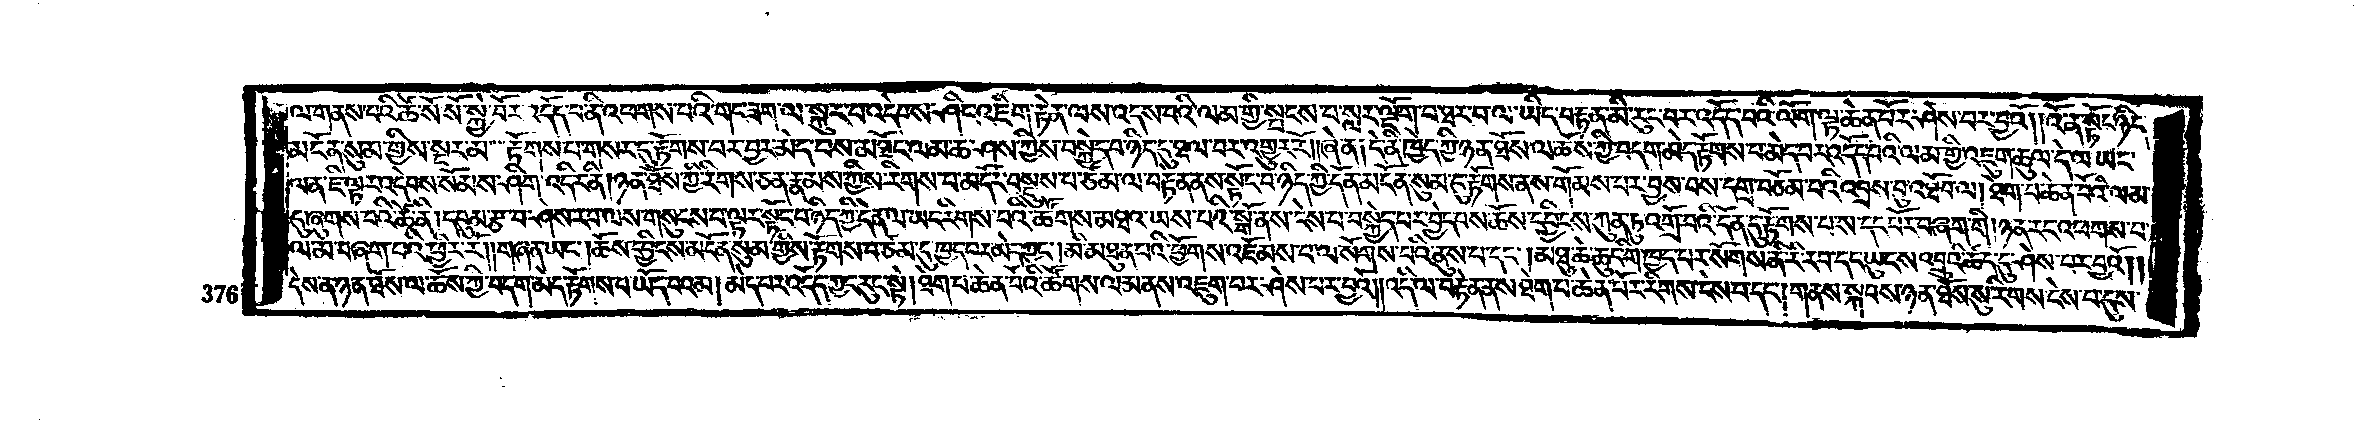ལ་གནས་པའི་ཚེ་སོ་སོ་སྐྱེ་བོར་འདོད་པ་ནི་འཕགས་པའི་གང་ཟག་ལ་སྐུར་བ་འདེབས་ཤིང་འཇིག་རྟེན་ལས་འདས་པའི་ལམ་གྱི་སྤངས་པ་སླར་ལྡོག་པ་ཐར་པ་ལ་ཡིད་བརྟན་མི་རུང་བར་འདོད་པའི་ལོག་ལྟ་ཆེན་པོར་ཤེས་པར་བྱའོ། །འོ་ན་སྟོང་ཉིད་
མངོན་སུམ་གྱིས་སྔར་མ་རྟོགས་པ་གསར་དུ་རྟོགས་པར་བྱར་མེད་པས་མཐོང་ལམ་ཆ་ཤེས་ཀྱིས་བསྐྱེད་པ་ཉིད་དུ་ཐལ་བར་འགྱུར་རོ། །ཞེ་ན། དེ་ནི་ཁྱེད་ཀྱི་ཉན་ཐོས་ལ་ཆོས་ཀྱི་བདག་མེད་རྟོགས་པ་མེད་པར་འདོད་པའི་ལམ་གྱི་འཇུག་ཚུལ་དེ་ལ་ཡང་
ལན་ཇི་ལྟར་འདེབས་སོམས་ཤིག་འདིར་ནི། ཉན་ཐོས་ཀྱི་རིགས་ཅན་རྣམས་ཀྱིས་རིགས་པ་མདོར་བསྡུས་པ་ཙམ་ལ་བརྟེན་ནས་སྟོང་པ་ཉིད་ཀྱི་དོན་མངོན་སུམ་དུ་རྟོགས་ནས་གོམས་པར་བྱས་པས་དགྲ་བཅོམ་པའི་འབྲས་བུ་འཐོབ་ལ། ཐེག་པ་ཆེན་པོའི་ལམ་
དུ་ཞུགས་པའི་ཚེ་ནི། དབུ་མ་རྩ་བ་ཤེས་རབ་ལས་གསུངས་པ་ལྟར་སྟོང་པ་ཉིད་ཀྱི་དེན་ལ་ཡང་རིགས་པའི་ཚོགས་མཐའ་ཡས་པའི་སྒོ་ནས་ངེས་པ་བསྐྱེད་པར་བྱེད་པས་ཆོས་དབྱིངས་ཀུན་ཏུ་འགྲོ་བའི་དོན་དུ་རྟོགས་པ་ས་དང་པོར་བཞག་གི །ཉན་རང་འཕགས་པ་
ལ་མ་བཞག་པའི་ཕྱིར་རོ། །གཞན་ཡང་། ཆོས་དབྱིངས་མངོན་སུམ་གྱིས་རྟོགས་པ་ཙམ་དུ་ཁྱད་པར་མེད་ཀྱང་། མི་མཐུན་པའི་ཕྱོགས་འཇོམས་པ་ལ་སོགས་པའི་ནུས་པ་དང་། མཐུ་ཆེ་ཆུང་གི་ཁྱད་པར་སོགས་ནི་རི་རབ་དང་ཡུངས་འབྲུའི་ཚད་དུ་ཤེས་པར་བྱའོ། །
དེས་ན་ཉན་ཐོས་ལ་ཆོས་ཀྱི་བདག་མེད་རྟོགས་པ་ཡོད་པའམ། མེད་པར་འདོད་ཀྱང་རུང་སྟེ། ཐེག་པ་ཆེན་པོའི་ཚོགས་ལམ་ནས་འཇུག་པར་ཤེས་པར་བྱའོ། །འདི་ལ་བརྟེན་ནས་ཐེག་པ་ཆེན་པོར་རིགས་ངེས་པ་དང་། གནས་སྐབས་ཉན་ཐོས་སུ་རིགས་ངེས་པ་དུས་